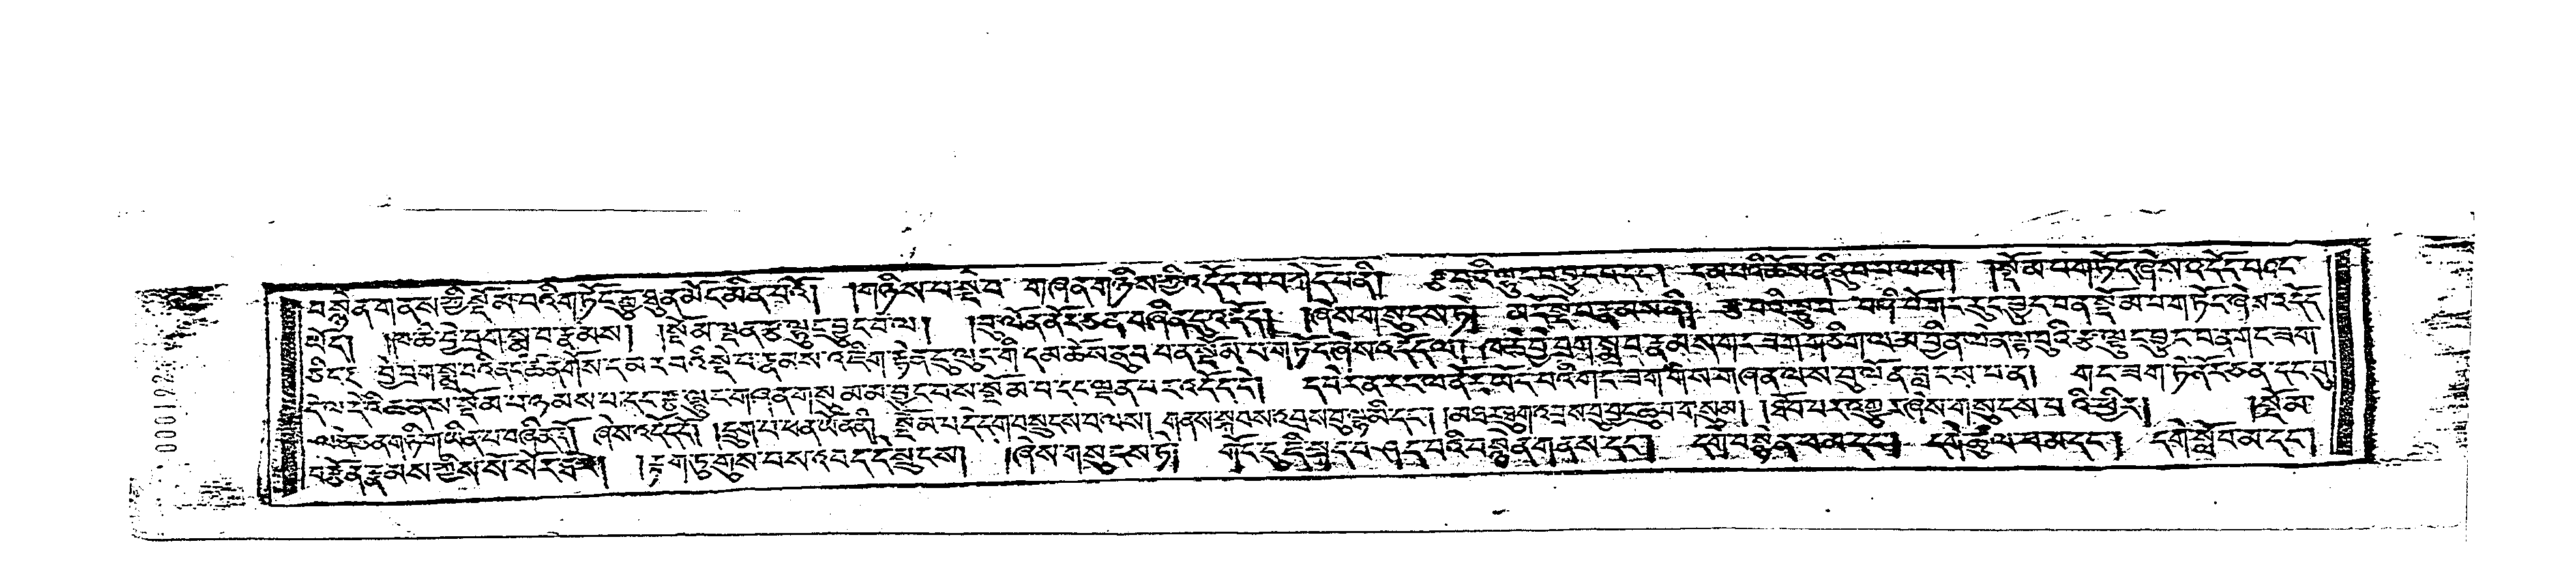བསྙེན་གནས་ཀྱི་སྡོམ་པའི་གཏོང་རྒྱུ་ཐུན་མོང་མིན་པའོ། །གཉིས་པ་སྡེ་བ་གཞན་གཉིས་ཀྱི་འདོད་པ་བཀོད་པ་ནི། རྩ་བའི་ལྟུང་བ་བྱུང་བ་དང་། དམ་པའི་ཆོས་ནི་ནུབ་པ་ལས། །སྡོམ་པ་གཏོང་ཞེས་འདོད་པའང་
ཡོད། །ཁ་ཆེ་བྱེ་བྲག་སྨྲ་བ་རྣམས། །སྡོམ་ལྡན་རྩ་ལྟུང་བྱུང་བ་ལ། །བུ་ལོན་ནོར་ཅན་བཞིན་དུ་འདོད། །ཞེས་གསུངས་ཏེ། མདོ་སྡེ་བ་རྣམས་ནི། རྩ་བའི་བཞི་པོ་གང་རུང་བྱུང་བ་ན་སྡོམ་པ་གཏོང་ཞེས་འདོད་
ཅིང༑ བྱེ་བྲག་སྨྲ་བའི་ནང་ཚན་གོས་དམར་པའི་སྡེ་བ་རྣམས་འཇིག་རྟེན་དུ་ལུང་གི་དམ་ཆོས་ནུབ་པ་ན་སྡོམ་པ་གཏོང་ཞེས་འདོད་ལ། ཁ་ཆེ་བྱེ་བྲག་སྨྲ་བ་རྣམས་གང་ཟག་གཅིག་ལ་མ་བྱིན་ལེན་ལྟ་བུའི་རྩ་ལྟུང་བྱུང་བ་ན་གང་ཟག་
དེ་ལ་དེའི་ཆ་ནས་སྡོམ་པ་ཉམས་པ་དང་རྩ་ལྟུང་གཞན་གསུམ་མ་བྱུང་བས་སྡོམ་པ་དང་ལྡན་པར་འདོད་དེ། དཔེར་ན་རང་ལ་ནོར་ཡོད་པའི་གང་ཟག་གིས་གཞན་ལས་བུ་ལོན་བླངས་པ་ན། གང་ཟག་ཏེ་ནོར་ཅན་དང་བུ་
ལེན་ཅན་གཉི་ག་ཡིན་པ་བཞིན་ནོ། ཞེས་འདོད་དོ། །དྲུག་པ་ཕན་ཡོན་ནི། སྡོམ་པ་དེ་དག་བསྲུངས་བ་ལས། གནས་སྐབས་འབྲས་བུ་ལྷ་མི་དང་། །མཐར་ཐུག་འབྲས་བུ་བྱང་ཆུབ་གསུམ། །ཐོབ་པར་འགྱུར་ཞེས་གསུངས་པའི་ཕྱིར། །སྡོམ་
བརྩོན་རྣམས་ཀྱིས་སོ་སོར་ཐོར། །རྟག་ཏུ་གུས་པས་འབད་དེ་སྲུངས། །ཞེས་གསུངས་ཏེ། གོང་དུ་ཇི་སྐད་བཤད་པའི་བསྙེན་གནས་དང་། དགེ་བསྙེན་ཕ་མ་དང་། དགེ་ཚུལ་ཕ་མ་དང་། དགེ་སློབ་མ་དང་།